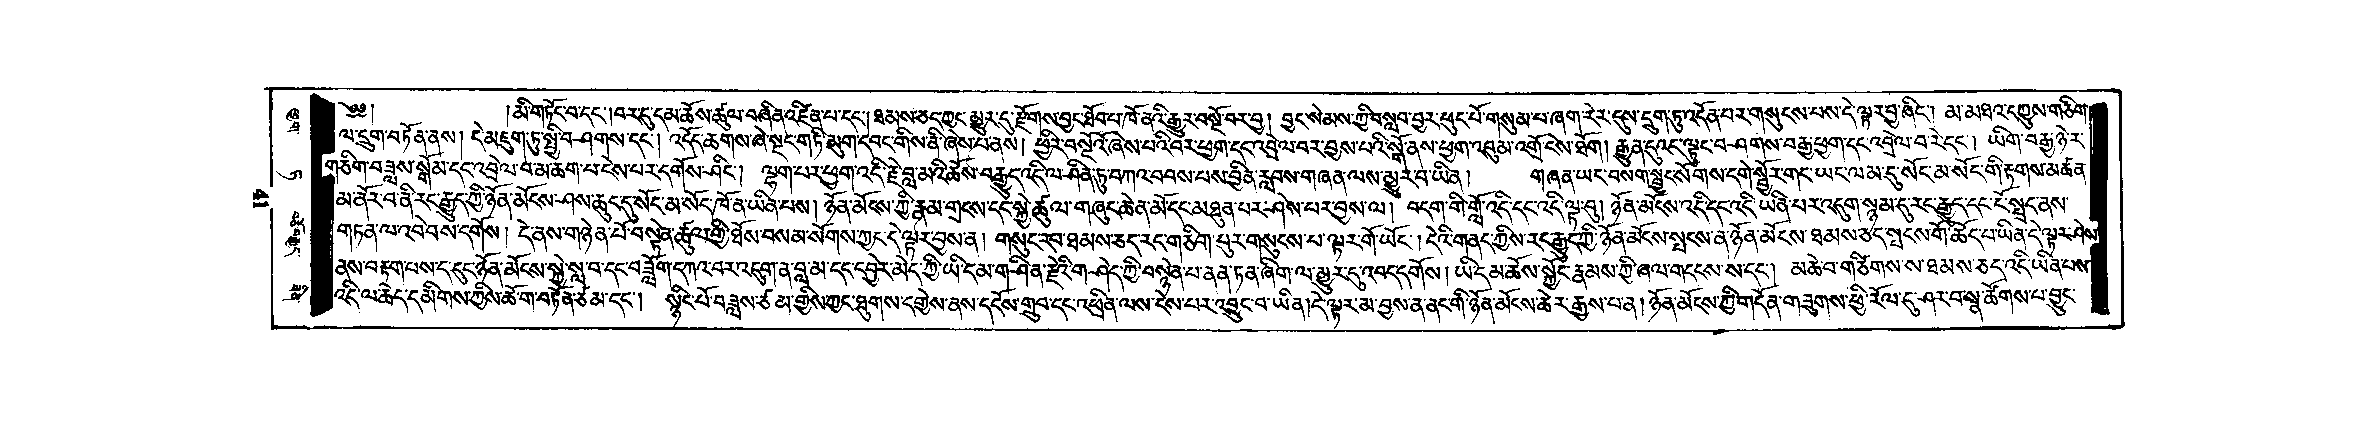༄༅། །མི་གཏོང་བ་དང་། བར་དུ་དམ་ཆོས་ཚུལ་བཞིན་འཛིན་པ་དང་། ཐམས་ཅད་ཀྱང་མྱུར་དུ་རྫོགས་བྱང་ཐོབ་པ་ཁོ་ནའི་རྒྱུར་བསྔོ་བར་བྱ། བྱང་སེམས་ཀྱི་བསླབ་བྱར་ཕུང་པོ་གསུམ་པ་ཞག་རེར་དུས་དྲུག་ཏུ་འདོན་པར་གསུངས་པས་དེ་ལྟར་བྱ་ཞིང་། མ་མཐའ་དཀྱུས་གཅིག་
ལ་དྲུག་བཏོན་ནས། དེ་མཇུག་ཏུ་སྤྱི་བཤགས་དང་། འདོད་ཆགས་ཞེ་སྡང་གཏི་མུག་དབང་གིས་ནི་ཞེས་པ་ནས། ཕྱིར་བསྔོའོ་ཞེས་པའི་བར་ཕྱག་དང་འབྲེལ་བར་བྱས་པའི་སྒོ་ནས་ཕྱག་འབུམ་འགྲོ་ངེས་ཐོག །རྒྱུན་དུའང་ལྟུང་བཤགས་བརྒྱ་ཕྱག་དང་འབྲེལ་བ་རེ་དང་། ཡིག་བརྒྱ་ཉེར་
གཅིག་བཟླས་སྒོམ་དང་འབྲེལ་བ་མ་ཆག་པ་ངེས་པར་དགོས་ཤིང་། ལྷག་པར་ཕྱག་འདི་རྗེ་བླ་མའི་ཆོས་བརྒྱུད་འདི་ལ་ཤིན་ཏུ་བཀའ་བབས་པས་བྱིན་རླབས་གཞན་ལས་མྱུར་བ་ཡིན། གཞན་ཡང་བསག་སྦྱང་སོགས་དགེ་སྦྱོར་གང་ཡང་ལམ་དུ་སོང་མ་སོང་གི་རྟགས་མཚན་
མ་ནོར་བ་ནི་རང་རྒྱུད་ཀྱི་ཉོན་མོངས་ཤས་ཆུང་དུ་སོང་མ་སོང་ཁོ་ན་ཡིན་པས། ཉོན་མོངས་ཀྱི་རྣམ་གྲངས་དང་སྐྱེ་ཚུལ་གཞུང་ཆེན་མོ་དང་མཐུན་པར་ཤེས་པར་བྱས་ལ། བདག་གི་གློ་འདི་དང་འདི་ལྟ་བུ། ཉོན་མོངས་འདི་དང་འདི་ཡིན་པར་འདུག་སྙམ་དུ་རང་རྒྱུད་དང་ངོ་སྤྲད་ནས་
གཏན་ལ་འབེབས་དགོས། དེ་ནས་གཉེན་པོ་བསྟེན་ཚུལ་གྱི་ཐོས་བསམ་སོགས་ཀྱང་དེ་ལྟར་བྱས་ན། གསུང་རབ་ཐམས་ཅད་རང་གཅིག་པུར་གསུངས་པ་ལྟར་གོ་ཡོང་། དེའི་གནད་ཀྱིས་རང་རྒྱུད་ཀྱི་ཉོན་མོངས་སྤངས་ན་ཉོན་མོངས་ཐམས་ཅད་སྤངས་གོ་ཆོད་པ་ཡིན་དེ་ལྟར་ཤེས་
ནས་བརྟག་པས་ད་དུང་ཉོན་མོངས་སྐྱེ་སླ་བ་དང་བཟློག་དཀའ་བར་འདུག་ན་བླ་མ་དང་དབྱེར་མེད་ཀྱི་ཡི་དམ་གཤིན་རྗེའི་གཤེད་ཀྱི་བསྙེན་པ་ནན་ཏན་ཞིག་ལ་མྱུར་དུ་འབད་དགོས། ཡི་དམ་ཆོས་སྐྱོང་རྣམས་ཀྱི་ཞལ་གདངས་ས་དང་། མཆེ་བ་གཙིགས་ས་ཐམས་ཅད་འདི་ཡིན་པས་
འདི་ལ་ཆེད་དམིགས་ཀྱིས་ཆོ་ག་བཏོན་ཙམ་དང་། སྙིང་པོ་བཟླས་ཙམ་གྱིས་ཀྱང་ཐུགས་དགྱེས་ནས་དངོས་གྲུབ་དང་འཕྲིན་ལས་ངེས་པར་འབྱུང་བ་ཡིན། དེ་ལྟར་མ་བྱས་ན་ནང་གི་ཉོན་མོངས་ཆེར་རྒྱས་པ་ན། ཉོན་མོངས་ཀྱི་གདོན་གཟུགས་ཕྱི་རོལ་དུ་ཤར་བ་སྣ་ཚོགས་པ་བྱུང་